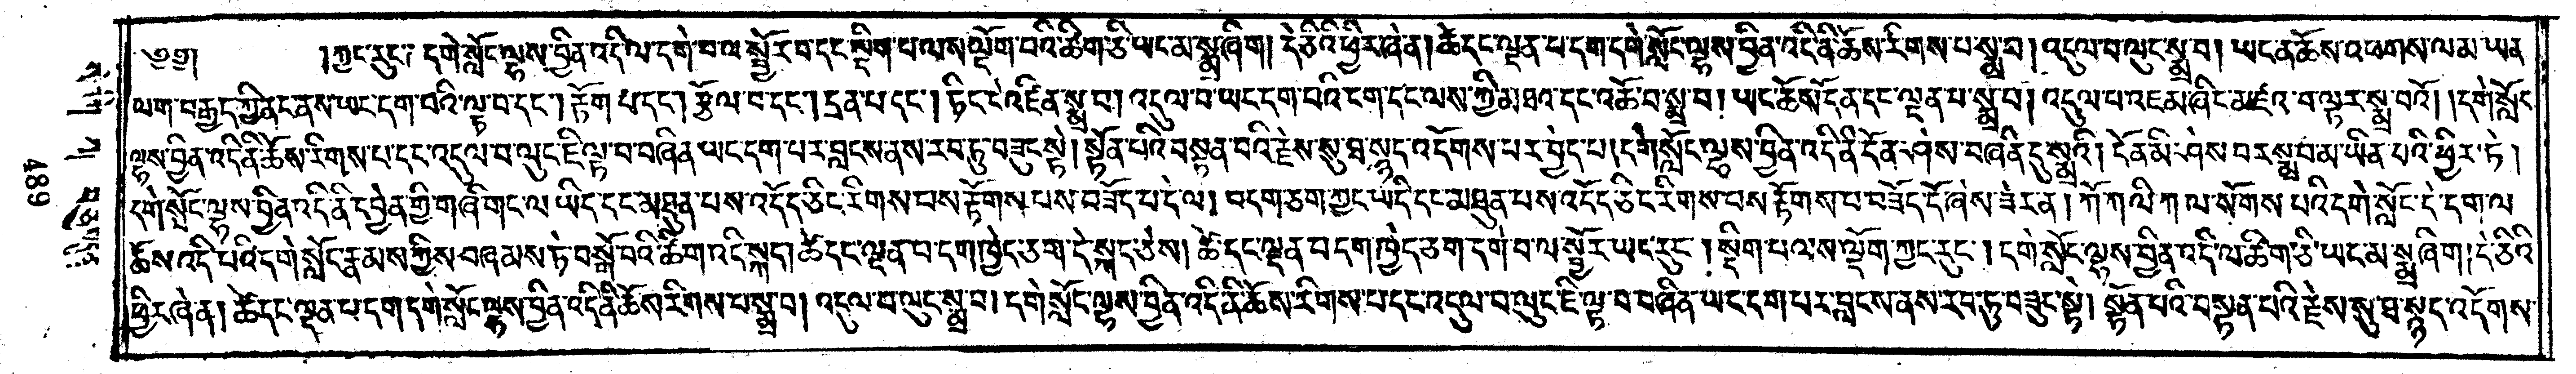༄༅། །ཀྱང་རུང༑ དགེ་སློང་ལྷས་བྱིན་འདི་ལ་དགེ་བ་ལ་སྦྱོར་བ་དང་སྡིག་པ་ལས་ལྡོག་བའི་ཚིག་ཅི་ཡང་མ་སྨྲ་ཞིག། དེ་ཅིའི་ཕྱིར་ཞེ་ན། ཚེ་དང་ལྡན་པ་དག་དགེ་སློང་ལྷས་བྱིན་འདི་ནི་ཆོས་རིགས་པ་སྨྲ་བ། འདུལ་བ་ལུང་སྨྲ་བ། ཡང་ན་ཆོས་འཕགས་ལམ་ཡན་
ལག་བརྒྱད་ཀྱི་ནང་ནས་ཡང་དག་པའི་ལྟ་བ་དང་། རྟོག་པ་དང་། རྩོལ་བ་དང་། དྲན་པ་དང་། ཏིང་ངེ་འཛིན་སྨྲ་བ། འདུལ་བ་ཡང་དག་པའི་ངག་དང་ལས་ཀྱི་མཐའ་དང་འཆོ་བ་སྨྲ་བ། ཡང་ཆོས་དོན་དང་ལྡན་པ་སྨྲ་བ། འདུལ་བ་འཇམ་ཞིང་མཛའ་བ་ལྟར་སྨྲ་བའོ། །དགེ་སློང་
ལྷས་བྱིན་འདི་ནི་ཆོས་རིགས་པ་དང་འདུལ་བ་ལུང་ཇི་ལྟ་བ་བཞིན་ཡང་དག་པར་བླངས་ནས་རབ་ཏུ་བཟུང་སྟེ། སྟོན་པའི་བསྟན་པའི་རྗེས་སུ་ཐ་སྙད་འདོགས་པར་བྱེད་པ། དགེ་སློང་ལྷས་བྱིན་འདི་ནི་དོན་ཤེས་བཞིན་དུ་སྨྲའི། དོན་མི་ཤེས་བར་སྨྲབ་མ་ཡིན་པའི་ཕྱིར་ཏེ།
དགེ་སྤོང་ལྷས་བྱིན་འདི་ནི་དབྱེན་གྱི་གཞི་གང་ལ་ཡིད་དང་མཐུན་པས་འདོད་ཅིང་རིགས་པས་རྟོགས་པས་བཟོད་པ་དེ་ལ། བདག་ཅག་ཀྱང་ཡིད་དང་མཐུན་པས་འདོད་ཅིང་རིགས་པས་རྟོགས་པ་བཟོད་དོ་ཞེས་ཟེར་ན། ཀོ་ཀ་ལི་ཀ་ལ་སོགས་པའི་དགེ་སློང་དེ་དག་ལ་
ཆོས་འདི་པའི་དགེ་སློང་རྣམས་ཀྱིས་བཞམས་ཏེ་བསྒོ་བའི་ཚིག་འདི་སྐད། ཚེ་དང་ལྡན་བ་དག་ཁྱེད་ཅག་དེ་སྐད་ཅེས། ཚེ་དང་ལྡན་བདག་ཁྱེད་ཅག་དགེ་བ་ལ་སྦྱོར་ཡང་རུང་། སྡིག་པ་ལས་ལྡོག་ཀྱང་རུང་། དགེ་སློང་ལྷས་བྱིན་འདི་ལ་ཚིག་ཅི་ཡང་མ་སྨྲ་ཞིག། དེ་ཅིའི་
ཕྱིར་ཞེ་ན། ཚེ་དང་ལྡན་པ་དག་དགེ་སློང་ལྷས་བྱིན་འདི་ནི་ཆོས་རིགས་པ་སྨྲ་བ། འདུལ་བ་ལུང་སྨྲ་བ། དགེ་སློང་ལྷས་བྱིན་འདི་ནི་ཆོས་རིགས་པ་དང་འདུལ་བ་ལུང་ཇི་ལྟ་བ་བཞིན་ཡང་དག་པར་བླངས་ནས་རབ་ཏུ་བཟུང་སྟེ། སྟོན་པའི་བསྟན་པའི་རྗེས་སུ་ཐ་སྙད་འདོགས་